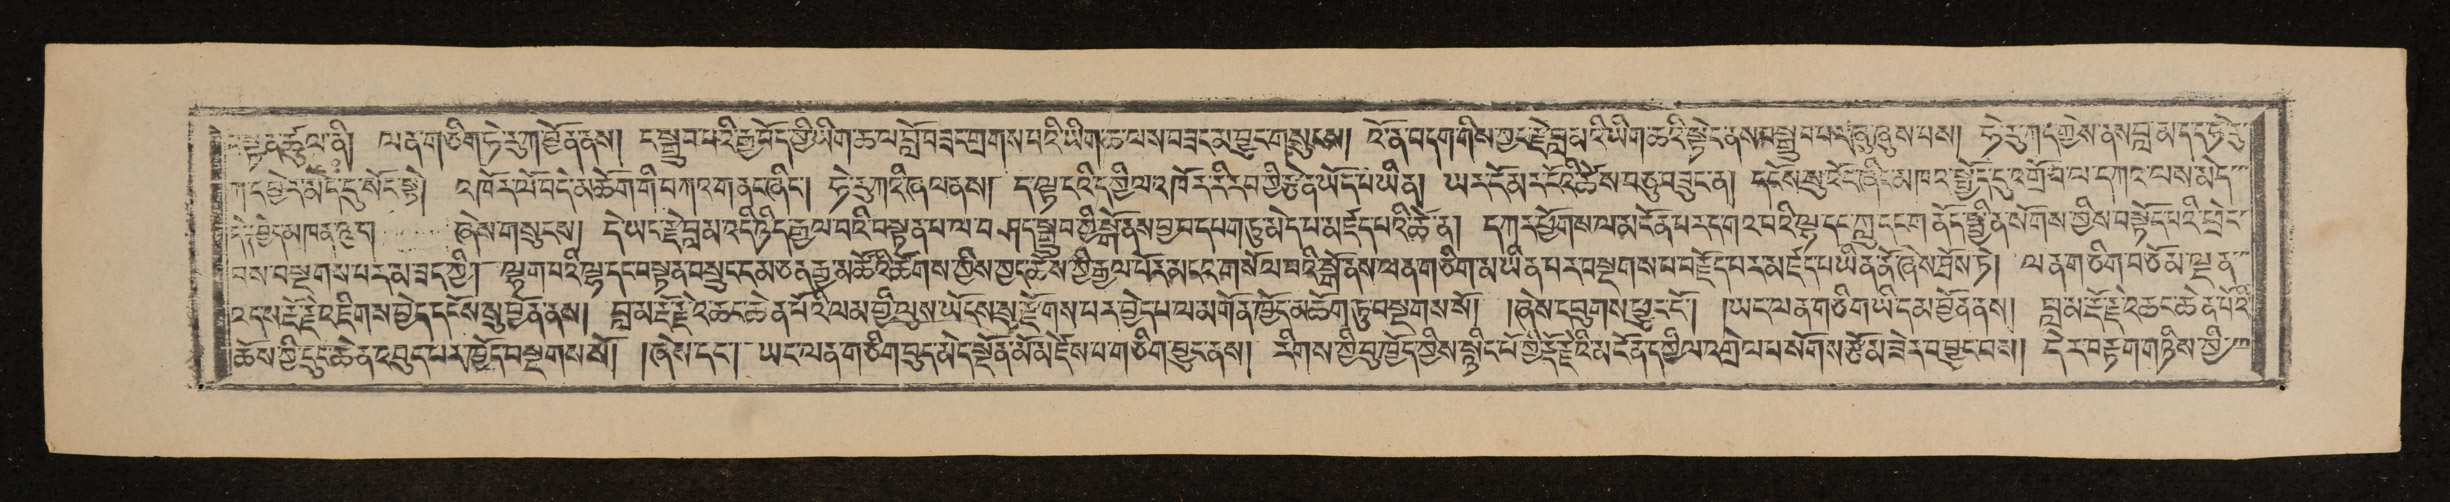བསྟན་ཚུལ་ནི། ལན་གཅིག་ཧེ་རུ་ཀ་བྱོན་ནས། ང་སྒྲུབ་པའི་རྒྱ་བོད་ཀྱི་ཡིག་ཆ་ལ་བློ་བཟང་གྲགས་པའི་ཡིག་ཆ་ལས་བཟང་མ་བྱུང་གསུངས། འོ་ན་བདག་གིས་ཀྱང་རྗེ་བླ་མའི་ཡིག་ཆའི་སྟེང་ནས་བསྒྲུབ་པར་ཞུ་ཞུས་པས། ཧེ་རུ་ཀ་དགྱེས་ནས་བླ་མ་དང་ཧེ་རུ་
ཀ་དབྱེར་མེད་དུ་སོང་སྟེ། འཁོར་ལོ་བདེ་མཆོག་གི་བཀའ་གནང་ཞིང་། ཧེ་རུ་ཀའི་ཞལ་ནས། ད་ལྟ་ངའི་དཀྱིལ་འཁོར་རི་རབ་ཀྱི་རྩེན་ཡོད་པ་ཡིན། ཡར་ངོ་མཐར་ངོའི་ཚེས་བཅུ་བཟུང་ན། དངོས་སུ་འོང་ཞིང་མཁའ་སྤྱོད་དུ་འགྲོ་བ་ལ་དཀའ་ལས་མེད་དེ༑ བྱེད་མཁན་ཉུང་། ཞེས་གསུངས། དེ་ཡང་རྗེ་བླ་མ་འདི་ཉིད་རྒྱལ་བའི་བསྟན་པ་ལ་བཤད་སྒྲུབ་ཀྱི་སྒོ་ནས་བྱ་བ་དཔག་ཏུ་མེད་པ་མཛད་པའི་ཚེ་ན། དཀར་ཕྱོགས་ལ་མངོན་པར་དགའ་བའི་ལྷ་དང་ཀླུ་དང་གནོད་སྦྱིན་སོགས་ཀྱིས་བསྟོད་པའི་ཕྲེང་
བས་བསྔགས་པར་མ་ཟད་ཀྱི། ལྷག་པའི་ལྷ་དང་བསྟན་བསྲུང་དམ་ཅན་རྒྱ་མཚོའི་ཚོགས་ཀྱིས་ཀྱང་ཆོས་ཀྱི་རྒྱལ་པོར་མངའ་གསོལ་བའི་སྒོ་ནས་ལན་གཅིག་མ་ཡིན་པར་བསྔགས་པ་བརྗོད་པར་མཛད་པ་ཡིན་ནོ་ཞེས་ཐོས་ཏེ། ལན་གཅིག་བཅོམ་ལྡན་
འདས་རྡོ་རྗེ་འཇིགས་བྱེད་དངོས་སུ་བྱོན་ནས། བླ་མ་རྡོ་རྗེ་འཆང་ཆེན་པོའི་ལམ་གྱི་ལུས་ཡོངས་སུ་རྫོགས་པར་བྱེད་པ་ལ་མགོན་ཁྱོད་ལ་མཆོག་ཏུ་བསྔགས་སོ། །ཞེས་དབུགས་ཕྱུང་ངོ། །ཡང་ལན་གཅིག་ཡི་དམ་བྱོན་ནས། བླ་མ་རྡོ་རྗེ་འཆང་ཆེན་པོའི་
ཆོས་ཀྱི་དུང་ཆེན་འབུད་པར་ཁྱོད་བསྔགས་སོ། །ཞེས་དང་། ཡང་ལན་གཅིག་བུད་མེད་སྔོན་མོ་མཛེས་པ་གཅིག་བྱུང་ནས། རིགས་ཀྱི་བུ་ཁྱོད་ཀྱིས་སྙིང་པོ་ཀྱཻ་རྡོ་རྗེའི་མངོན་དཀྱིལ་འགྲེལ་བ་སོགས་རྩོམ་ཟེར་བ་བྱུང་བས། དེར་བརྟག་གཉིས་ཀྱི་